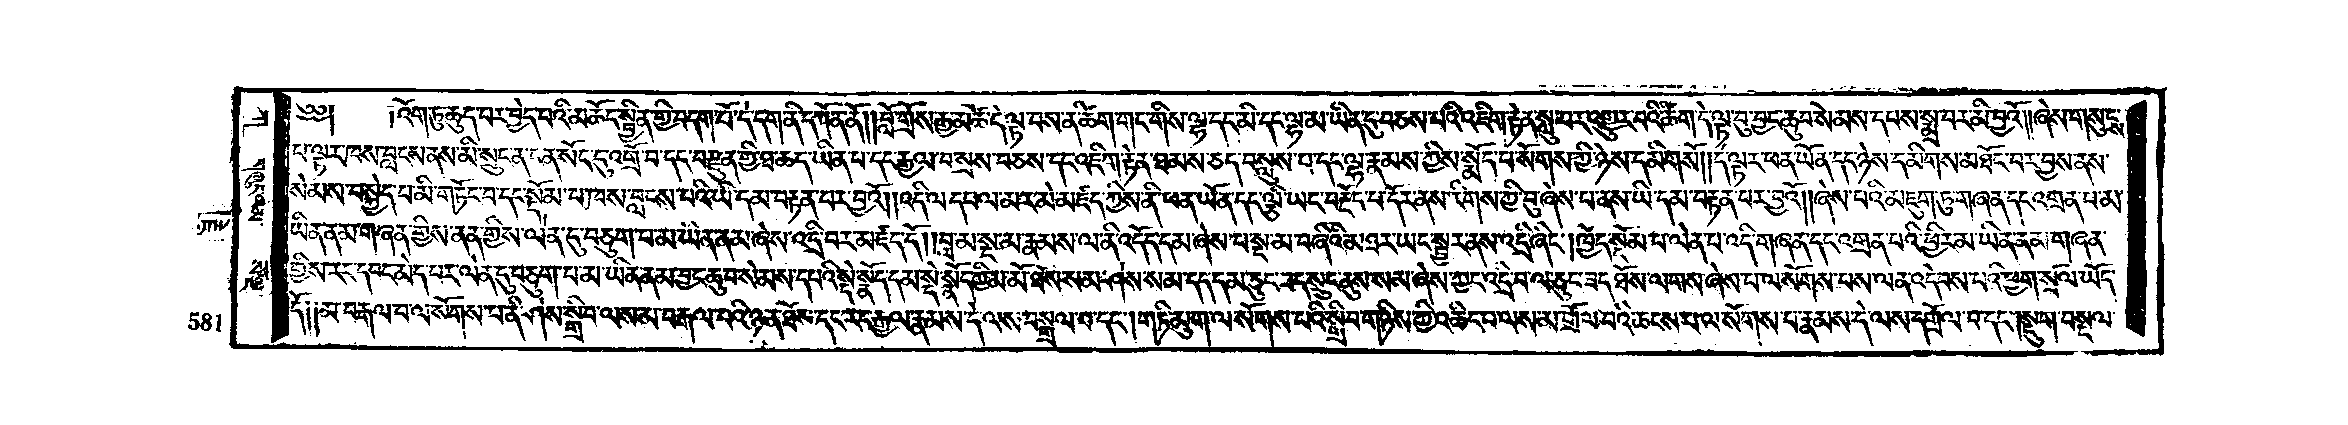༄༅། །འོག་ཏུ་ཆུད་པར་བྱེད་པའི་མཆོད་སྦྱིན་གྱི་བདག་པོ་དེ་དག་ནི་དཀོན་ནོ། །བློ་གྲོས་རྒྱ་མཚོ་དེ་ལྟ་བས་ན་ཚིག་གང་གིས་ལྷ་དང་མི་དང་ལྷ་མ་ཡིན་དུ་བཅས་པའི་འཇིག་རྟེན་སླུ་བར་འགྱུར་བའི་ཚིག་དེ་ལྟ་བུ་བྱང་ཆུབ་སེམས་དཔས་སྨྲ་བར་མི་བྱའོ། །ཞེས་གསུངས་
པ་ལྟར་ཁས་བླངས་ནས་མི་སྲུང་ན་ངན་སོང་དུ་འགྲོ་བ་དང་བརྫུན་གྱི་ཐ་ཆད་ཡིན་པ་དང་རྒྱལ་བ་སྲས་བཅས་དང་འཇིག་རྟེན་ཐམས་ཅད་བསླུས་པ་དང་ལྷ་རྣམས་ཀྱིས་སྨོད་པ་སོགས་ཀྱི་ཉེས་དམིགས་སོ། །དེ་ལྟར་ཕན་ཡོན་དང་ཉེས་དམིགས་མཐོང་བར་བྱས་ནས་
སེམས་བསྐྱེད་པ་མི་གཏོང་བ་དང་སྡོམ་པ་ཁས་བླངས་པའི་ཡི་དམ་བརྟན་པར་བྱའོ། །འདི་ལ་དཔལ་མར་མེ་མཛད་ཀྱིས་ནི་ཕན་ཡོན་དང་ལྕི་ཡང་བརྗོད་པ་དོར་ནས་རིགས་ཀྱི་བུ་ཞེས་པ་ནས་ཡི་དམ་བརྟན་པར་བྱའོ། །ཞེས་པའི་མཇུག་ཏུ་གཞན་དང་འགྲན་པ་མ་
ཡིན་ནམ་གཞན་གྱིས་ནན་གྱིས་ལེན་དུ་བཅུག་པ་མ་ཡིན་ནམ་ཞེས་འདྲི་བར་མཛད་དོ། །བླ་མ་སྔ་མ་རྣམས་ལ་ནི་འདོད་དམ་ཞེས་པ་སྔ་མ་བཞིའི་མཐར་ཡང་སྦྱར་ནས་འདྲི་ཞིང་། ཁྱོད་སྡོམ་པ་ལེན་པ་འདི་གཞན་དང་འགྲན་པའི་ཕྱིར་མ་ཡིན་ནམ་གཞན་
གྱིས་རང་དབང་མེད་པར་ལེན་དུ་བཅུག་པ་མ་ཡིན་ནམ་བྱང་ཆུབ་སེམས་དཔའི་སྡེ་སྣོད་དམ་སྡེ་སྣོད་ཀྱི་མ་མོ་ཐོས་སམ་ཤེས་སམ་དད་དམ་ཅུང་ཟད་སྲུང་ནུས་སམ་ཞེས་ཀྱང་འདྲི་བ་ལ་ཅུང་ཟད་ཐོས་ལགས་ཞེས་པ་ལ་སོགས་པས་ལན་འདེབས་པའི་ཕྱག་སྲོལ་ཡོད་
དོ༑ ༑མ་བརྒལ་བ་ལ་སོགས་པ་ནི་ཤེས་སྒྲིབ་ལས་མ་བརྒལ་བའི་ཉན་ཐོས་དང་རང་རྒྱལ་རྣམས་དེ་ལས་བསྒྲལ་བ་དང་། གཏི་མུག་ལ་སོགས་པའི་སྒྲིབ་གཉིས་ཀྱི་འཆིང་བ་ལས་མ་གྲོལ་བའི་ཆགས་པ་ལ་སོགས་པ་རྣམས་དེ་ལས་དགྲོལ་བ་དང་། སྡུག་བསྔལ་